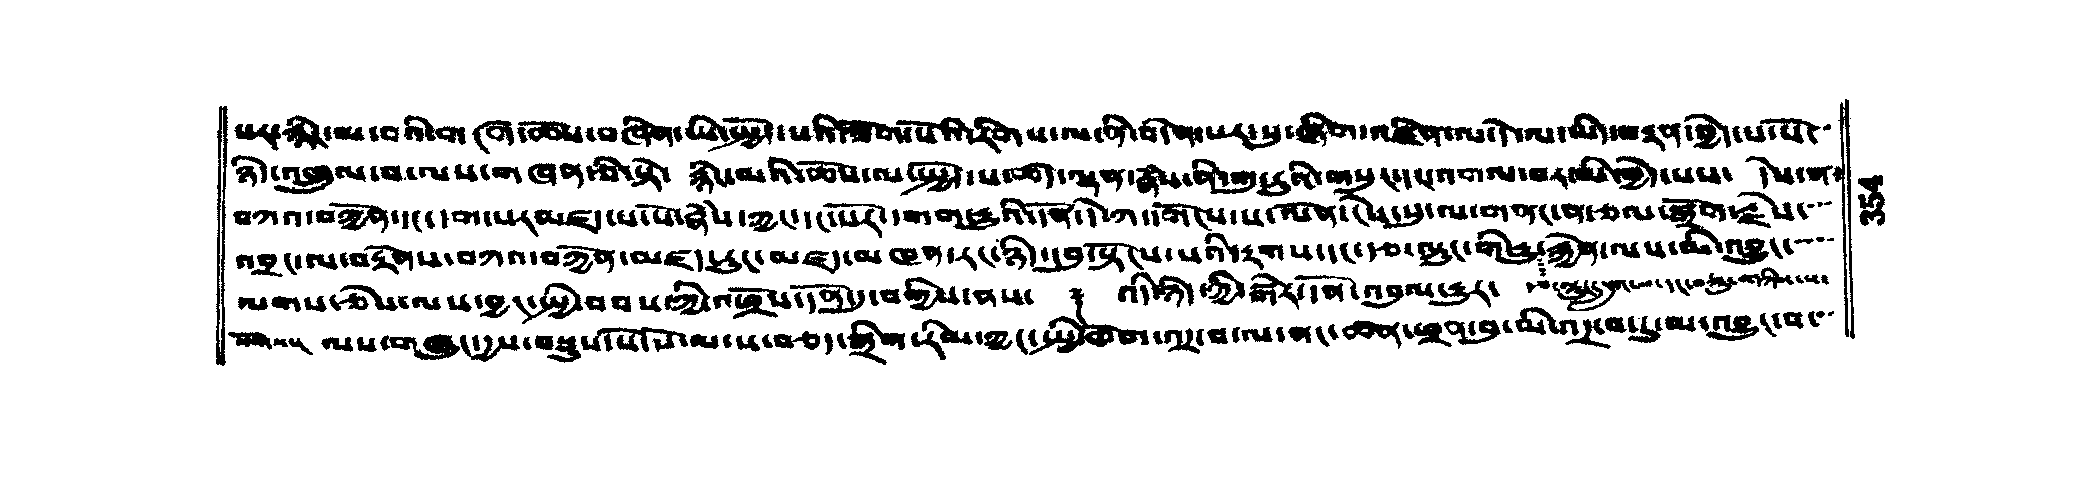པར་རྙིང་མ་བའི་གདམས་ངག་ཆོས་བཞིན་མི་སྤྱོད་པའི་ཟོག་པོའི་རིགས་ལ་ནི་བདེན་པར་སུ་ཞིག་འཛིན་ལ་དེ་ལ་མི་བརྟན་བྱེད་པ་པོ་
ཉིད་འཁྲུལ་བ་ལས་གཞན་ཅི་སྟེ། རྙིང་མའི་ཆོས་ལ་སྤྱོད་པ་ཚད་ལྡན་རྣམས་ནི་གུ་རུའི་གསུང་དང་འགལ་བར་མི་བྱེད་པས། དེས་ན་
བཀའ་དཀྱོན་དང་དག་པར་མཛད་པ་པོ་རྣམས་ཀྱང་དང་པོར་དགག་རྒྱུའི་དོན་དེ་ཀ་དགོངས་པ་ལོན་ངེས་སུ་མ་གནང་ན་སྩལ་སྒྲོག་རྗེས་
འབྲང་ལ་བརྟེན་ནས་བཀའ་དཀྱོན་མཛད་རུང་མཛད་མཁན་རང་ཉིད་དབུ་སྟོངས་པའི་རྟགས་དང་རྩ་ལྟུང་གི་རྒྱུ་རྩ་ལྟུང་དྲུག་པ་དང་བཅུ་གཉིས་པ་སོགས། རྐྱེན་ལས་མི་འབྱུང་
ལགས་ཅེས་ལས་བྱང་སྤྱི་བབས་ཀྱི་འཕྲོས་དོན་དུ་བགྱིས་ནས། ༈ འདི་ཉིད་ཀྱི་སྒེར་དོན་འབུལ་རྒྱུར་
ལས་གཞུང་རྒྱས་བསྡུས་སོ་སོ་ལ་ས་བཅད་སྒྲིག་རིམ་ཀྱང་སྤྱི་ཁོག་འདྲ་བ་ལ་ནང་ཚན་ཕྲན་བུ་མི་འདྲ་བ་དུ་མ་འབྱུང་བ་